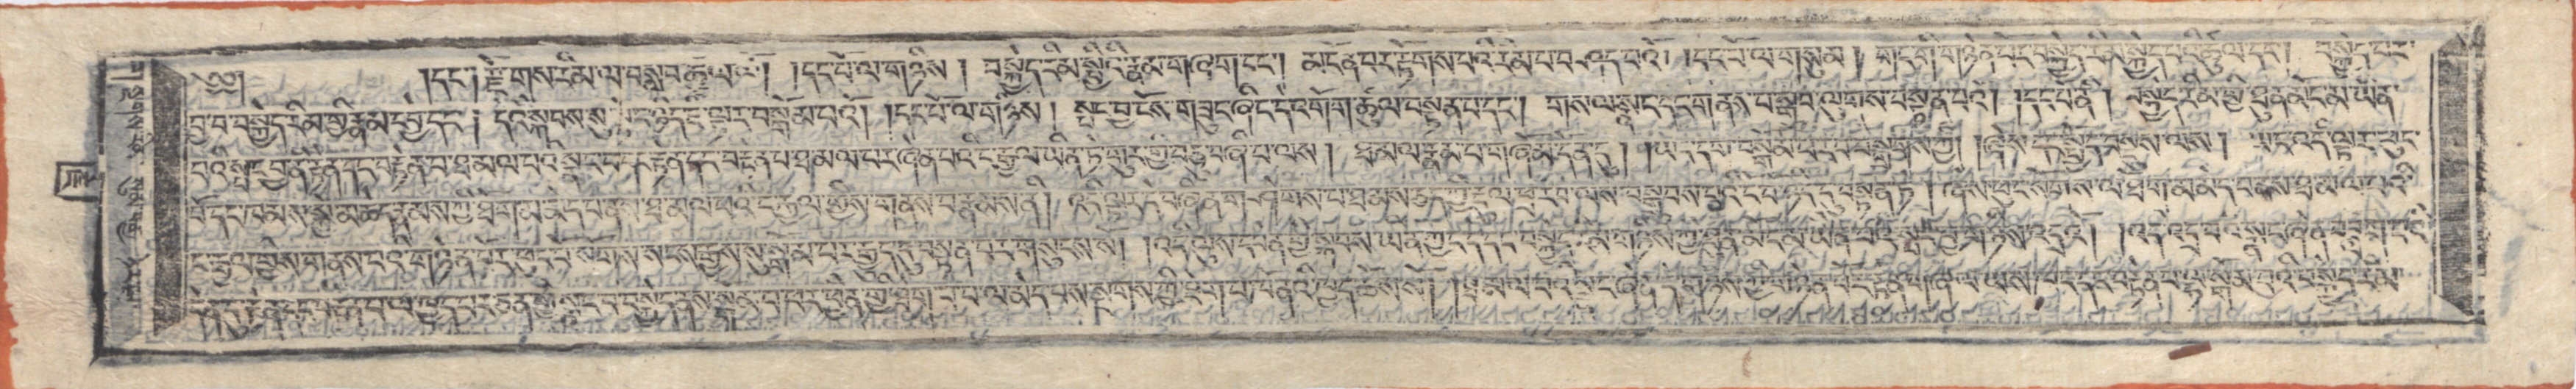༄༅། །དང་། རྫོགས་རིམ་ལ་བསླབ་ཚུལ་ལོ། །དང་པོ་ལ་གཉིས། བསྐྱེད་རིམ་སྤྱིའི་རྣམ་གཞག་དང་། མངོན་པར་རྟོགས་པའི་རིམ་པ་བཤད་པའོ། །དང་པོ་ལ་གསུམ། གང་གི་གཉེན་པོར་བསྐྱེད་རིམ་སྐྱེད་པའི་ཚུལ་དང་། བསྐྱེད་པར་
བྱ་བ་བསྐྱེད་རིམ་གྱི་རྣམ་དབྱེ་དང་། དེའི་སྐབས་སུ་སྟོང་ཉིད་ཇི་ལྟར་བསྒོམ་པའོ། །དང་པོ་ལ་གཉིས། སྤང་བྱ་ངོས་གཟུང་ཞིང་དེ་འགོག་ཚུལ་བསྟན་པ་དང་། གསལ་སྣང་དང་གནས་པ་སྒྲུབ་ལུགས་བསྟན་པའོ། །དང་པོ་ནི། བསྐྱེད་རིམ་གྱི་ཐུན་མོང་མ་ཡིན་
པའི་སྤང་བྱ་ནི་རྟེན་དང་བརྟེན་པ་ཐ་མལ་པའི་སྣང་བ་དང་རྟེན་དང་བརྟེན་པ་ཐ་མལ་པར་ཞེན་པའི་ང་རྒྱལ་ཡིན་ཏེ་གུར་གྱི་བཅུ་བཞི་པ་ལས། ཐ་མལ་རྣམ་པ་གཞོམ་དོན་དུ། །ཡང་དག་བསྒོམ་པ་རབ་བསྒྲགས་ཀྱི། །ཞེས་དང་སྤྱོད་བསྡུས་ལས། ཡང་འདི་ལྟར་ཕུང་
པོ་དང་ཁམས་སྐྱེ་མཆེད་རྣམས་ཀྱི་ཐོག་མ་མེད་པ་ནས་ཐ་མལ་པའི་ང་རྒྱལ་གྱིས་གནས་པ་རྣམས་ནི། འདི་ལྟར་དེ་བཞིན་གཤེགས་པ་ཐམས་ཅད་ཀྱི་རྡུལ་ཕྲ་རབ་ལས་བསྒྲུབས་པའི་ངོ་བོ་ཉིད་དུ་བསྟན་ཏེ། ཞེས་ཕུང་སོགས་ལ་ཐོག་མ་མེད་པ་ནས་ཐ་མལ་པའི་
ང་རྒྱལ་གྱིས་གནས་པའི་གཉེན་པོར་ཕུང་པོ་སོགས་སངས་རྒྱས་སུ་སྒོམ་པར་རྒྱུད་དུ་བསྟན་པར་གསུངས་སོ། །འདི་ལུས་དབེན་གྱི་སྐབས་ཡིན་ཀྱང་དེ་དང་བསྐྱེད་རིམ་གཉིས་ཀྱི་ཐུན་མོང་མ་ཡིན་པའི་སྤང་བྱ་གཉིས་འདྲའོ། །འདི་འདྲ་བའི་སྣང་ཞེན་བཟློག་པའི་
དོན་དུ་རྟེན་དང་བརྟེན་པ་ལ་ཁྱད་པར་ཅན་གྱི་སྣང་བ་བསྐྱེད་ནས་སྒོམ་པ་ཕར་ཕྱིན་གྱི་ཐེག་པ་པ་ལ་མེད་པས་སྔགས་ཀྱི་ཐེག་པ་ཁོ་ནའི་ཁྱད་ཆོས་སོ། །ཐ་མལ་པའི་སྣང་ཞེན་དེ་གཉིས་ཀྱི་གཉེན་པོར་རྟེན་གཞལ་ཡས་ཁང་དང་བརྟེན་པ་ལྷ་སྒོམ་པའི་བསྐྱེད་རིམ་